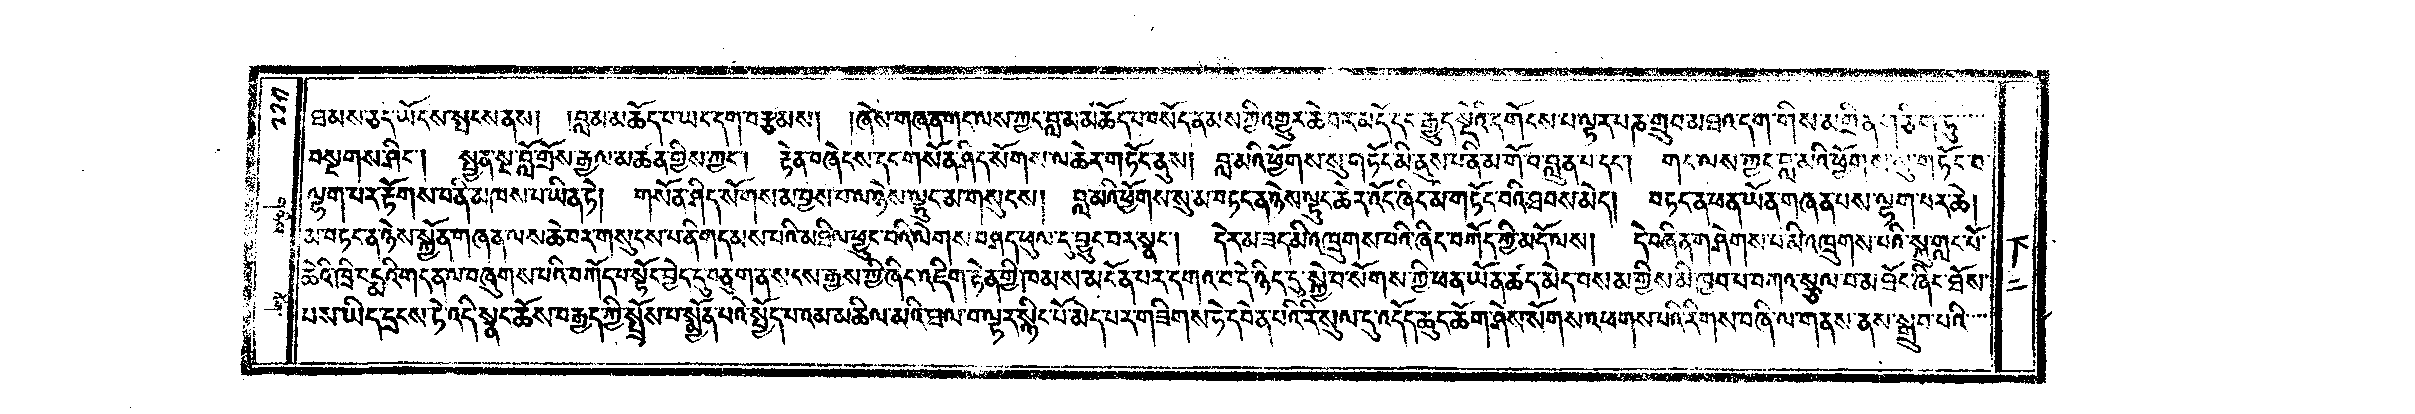ཐམས་ཅད་ཡོངས་སྤངས་ནས། །བླ་མ་མཆོད་པ་ཡང་དག་བརྩོམས། །ཞེས་གཞན་གང་ལས་ཀྱང་བླ་མ་མཆོད་པ་བསོད་ནམས་ཀྱི་འགྱུར་ཆེ་བར་མདོ་དང་རྒྱུད་སྡེའི་དགོངས་པ་ལྟར་པཎ་གྲུབ་མཐའ་དག་གིས་མགྲིན་གཅིག་ཏུ་
བསྔགས་ཤིང་། སྤྱན་སྔ་བློ་གྲོས་རྒྱལ་མཚན་གྱིས་ཀྱང་། རྟེན་བཞེངས་དང་གསོན་ཤིང་སོགས་ལ་ཆེར་གཏོང་ནུས། བླ་མའི་ཕྱོགས་སུ་གཏོང་མི་ནུས་པ་ནི་མ་གོ་བ་བླུན་པ་དང་། གང་ལས་ཀྱང་བླ་མའི་ཕྱོགས་སུ་གཏོང་བ་
ལྷག་པར་རྟོགས་པ་ནི་མཁས་པ་ཡིན་ཏེ། གསོན་ཤིད་སོགས་མ་བྱས་པ་ལ་ཉེས་ལྟུང་མ་གསུངས། བླ་མའི་ཕྱོགས་སུ་མ་བཏང་ན་ཉེས་ལྟུང་ཆེར་འོང་ཞིང་མི་གཏོང་བའི་ཐབས་མེད། བཏང་ན་ཕན་ཡོན་གཞན་པས་ལྷག་པར་ཆེ།
མ་བཏང་ན་ཉེས་སྐྱོན་གཞན་ལས་ཆེ་བར་གསུངས་པ་ནི་གདམས་པའི་མཐིལ་ཕྱུང་བའི་ལེགས་བཤད་ཕུལ་དུ་བྱུང་བར་སྣང་། དེར་མ་ཟད་མི་འཁྲུགས་པའི་ཞིང་བཀོད་ཀྱི་མདོ་ལས། དེ་བཞིན་གཤེགས་པ་མི་འཁྲུགས་པའི་སྐུ་གླང་པོ་
ཆེའི་ཁྲི་པདམའི་གདན་ལ་བཞུགས་པའི་བཀོད་པ་སྟོད་བྱེད་དུ་བཅུག་ན་སངས་རྒྱས་ཀྱི་ཞིང་འཇིག་རྟེན་གྱི་ཁམས་མངོན་པར་དགའ་བ་དེ་ཉིད་དུ་སྐྱེ་བ་སོགས་ཀྱི་ཕན་ཡོན་ཚད་མེད་བསམ་གྱིས་མི་ཁྱབ་པ་བཀའ་སྩལ་བ་མཐོང་ཞིང་ཐོས་
པས་ཡིད་དྲངས་ཏེ་འདི་སྣང་ཆོས་བརྒྱད་ཀྱི་སྤྲོས་པ་སྨྱོན་པའི་སྤྱོད་པ་འམ་མཆིལ་མའི་ཐལ་བ་ལྟར་སྙིང་པོ་མེད་པར་གཟིགས་ཏེ་དབེན་པའི་རི་སུལ་དུ་འདོད་ཆུང་ཆོག་ཤེས་སོགས་འཕགས་པའི་རིགས་བཞི་ལ་གནས་ནས་སྒྲུབ་པའི་